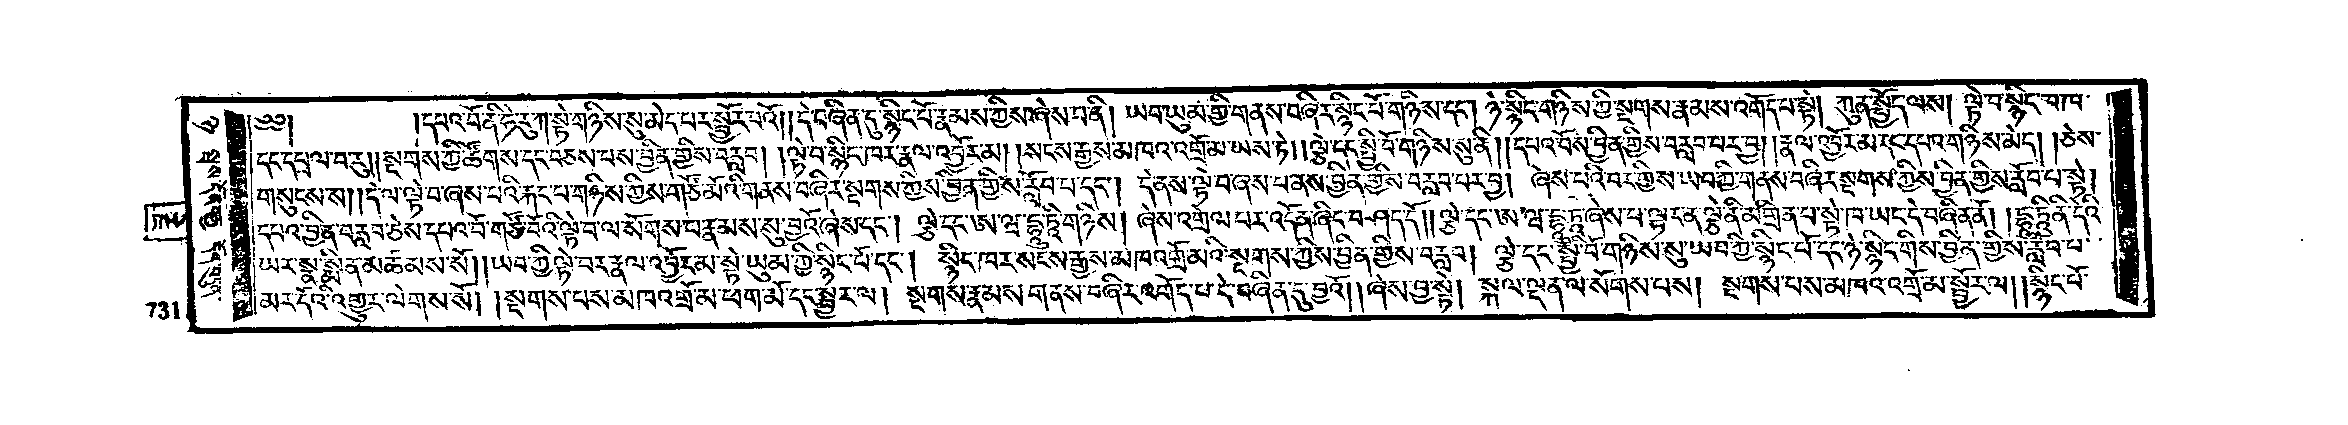༄༅། །དཔའ་བོ་ནི་ཧེ་རུ་ཀ་སྟེ་གཉིས་སུ་མེད་པར་སྦྱོར་བའོ། །དེ་བཞིན་དུ་སྙིང་པོ་རྣམས་ཀྱིས་ཞེས་པ་ནི། ཡབ་ཡུམ་གྱི་གནས་བཞིར་སྙིང་པོ་གཉིས་དང་། ཉེ་སྙིང་གཉིས་ཀྱི་སྔགས་རྣམས་འགོད་པ་སྟེ། ཀུན་སྤྱོད་ལས། ལྟེ་བ་སྙིང་ཁ་ཁ་
དང་དཔྲལ་བ་རུ། །སྔགས་ཀྱི་ཚོགས་དང་བཅས་པས་བྱིན་གྱིས་བརླབ། །ལྟེ་བ་སྙིང་ཁར་རྣལ་འབྱོར་མ། །སངས་རྒྱས་མཁའ་འགྲོ་མ་ཡིས་ཏེ། །ལྕེ་དང་སྤྱི་བོ་གཉིས་སུ་ནི། །དཔའ་བོས་བྱིན་གྱིས་བརླབ་པར་བྱ། །རྣལ་འབྱོར་མ་དང་དཔའ་གཉིས་མེད། །ཅེས་
གསུངས་སོ། །དེ་ལ་ལྟེ་བ་ཞས་པའི་རྐང་པ་གཉིས་ཀྱིས་གཙོ་མོའི་གནས་བཞིར་སྔགས་ཀྱིས་བྱིན་གྱིས་རློབ་པ་དང་། དེ་ནས་ལྟེ་བ་ཞེས་པ་ནས་བྱིན་གྱིས་བརླབ་པར་བྱ། ཞེས་པའི་བར་གྱིས་ཡབ་ཀྱི་གནས་བཞིར་སྔགས་ཀྱིས་བྱིན་གྱིས་རློབ་པ་སྟེ།
དཔའ་བྱིན་བརླབ་ཅེས་དཔའ་བོ་གཙོ་བོའི་ལྟེ་བ་ལ་སོགས་པ་རྣམས་སུ་བྱའོ་ཞེས་དང་། ལྕེ་དང་ཨ་ཝ་དྷཱུ་ཏཱི་གཉིས། ཞེས་འགྲེལ་པར་འདོན་ཞིང་བཤད་དོ། །ལྕེ་དང་ཨ་ཝ་དྷཱུ་ཏཱི་ཞེས་པ་ལྟར་ན་ལྕེ་ནི་མགྲིན་པ་སྟེ་ཁ་ཡང་དེ་བཞིན་ནོ། །དྷཱུ་ཏཱི་ནི་དེའི་
ཡར་སྣ་སྨིན་མཚམས་སོ། །ཡབ་ཀྱི་ལྟེ་བར་རྣལ་འབྱོར་མ་སྟེ་ཡུམ་གྱི་སྙིང་པོ་དང་། སྙིང་ཁར་སངས་རྒྱས་མཁའ་འགྲོ་མའི་སྔགས་ཀྱིས་བྱིན་གྱིས་བརླབ། ལྕེ་དང་སྤྱི་བོ་གཉིས་སུ་ཡབ་ཀྱི་སྙིང་པོ་དང་ཉེ་སྙིང་གིས་བྱིན་གྱིས་རློབ་པ་
མར་དོའི་འགྱུར་ལེགས་སོ། །སྔགས་པས་མཁའ་འགྲོ་མ་ཕག་མོ་དང་སྦྱར་ལ། སྔགས་རྣམས་གནས་བཞིར་འགོད་པ་དེ་བཞིན་དུ་བྱའོ། །ཞེས་བྱ་སྟེ། སྐལ་ལྡན་ལ་སོགས་པས། སྔགས་པས་མཁའ་འགྲོ་མ་སྦྱོར་ལ། །སྙིང་པོ་